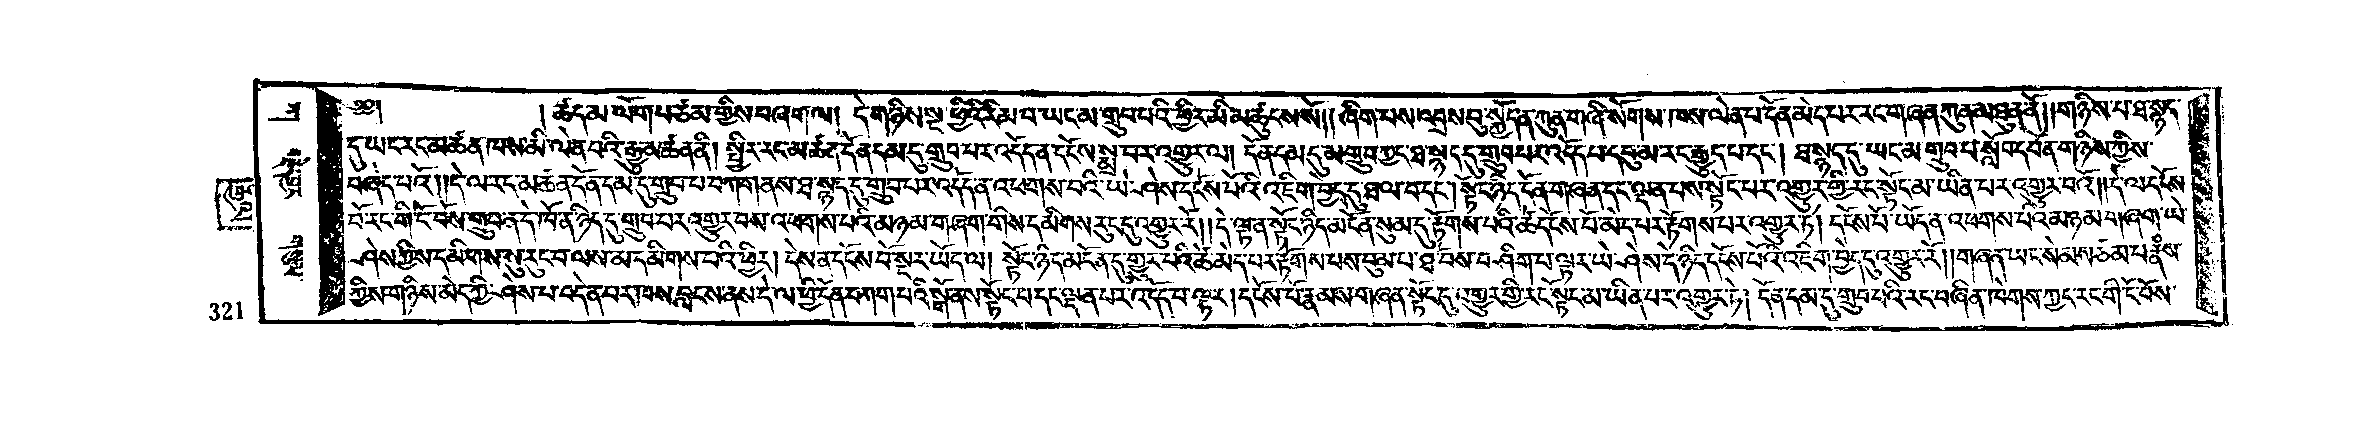༄༅། །ཚད་མ་ལོག་པ་ཙམ་གྱིས་བཞག་ལ། དེ་གཉིས་སྔ་ཕྱིའི་རིམ་པ་ཡང་མ་གྲུབ་པའི་ཕྱིར་མི་མཚུངས་སོ། །ཞིག་པས་འབྲས་བུ་སྐྱོད་ན་ཀུན་གཞི་སོགས་ཁས་ལེན་པ་དོན་མེད་པར་རང་བཞན་ཀུན་མཐུན་ནོ། །གཉིས་པ་ཐ་སྙད་
དུ་ཡང་རང་མཚན་ཁས་མི་ལེན་པའི་རྒྱུ་མཚན་ནི། སྤྱིར་རང་མཚན་དོན་དམ་དུ་གྲུབ་པར་འདོད་ན་དངོས་སྨྲ་བར་འགྱུར་ལ། དོན་དམ་དུ་མ་གྲུབ་ཀྱང་ཐ་སྙད་དུ་གྲུབ་པར་འདོད་པ་དབུ་མ་རང་རྒྱུད་པ་དང་། ཐ་སྙད་དུ་ཡང་མ་གྲུབ་པ་སློབ་དཔོན་གཉིས་ཀྱིས་
བཞེད་པའོ། །དེ་ལ་རང་མཚན་དོན་དམ་དུ་གྲུབ་པ་བཀག་ནས་ཐ་སྙད་དུ་གྲུབ་པར་འདོད་ན་འཕགས་པའི་ཡེ་ཤེས་དངོས་པོའི་འཇིག་བྱེད་དུ་ཐལ་བ་དང་། སྟོང་ཉིད་དོན་གཞན་དང་ལྡན་པས་སྟོང་པར་འགྱུར་གྱི་རང་སྟོང་མ་ཡིན་པར་འགྱུར་བའོ། །དེ་ལ་དངོས་
པོ་རང་གི་ངོ་བོས་གྲུབ་ན་དེ་ཁོ་ན་ཉིད་དུ་གྲུབ་པར་འགྱུར་བས་འཕགས་པའི་མཉམ་གཞག་གིས་དམིགས་རུང་དུ་འགྱུར་རོ། །དེ་ལྟ་ན་སྟོང་ཉིད་མངོན་སུམ་དུ་རྟོགས་པའི་ཚེ་དངོས་པོ་མེད་པར་རྟོགས་པར་འགྱུར་ཏེ། དངོས་པོ་ཡོད་ན་འཕགས་པའི་མཉམ་གཞག་ཡེ་
ཤེས་ཀྱིས་དམིགས་སུ་རུང་བ་ལས་མ་དམིགས་པའི་ཕྱིར། དེས་ན་དངོས་པོ་སྔར་ཡོད་ལ། སྟོང་ཉིད་མངོན་དུ་གྱུར་པའི་ཚེ་མེད་པར་རྟོགས་པས་བུམ་པ་ཐོབས?་བཤིག་པ་ལྟར་ཡེ་ཤེས་དེ་ཉིད་དངོས་པོའི་འཇིག་བྱེད་དུ་འགྱུར་རོ། །གཞན་ཡང་སེམས་ཙམ་པ་རྣམས་
ཀྱིས་གཉིས་མེད་ཀྱི་ཤེས་པ་བདེན་པར་ཁས་བླངས་ནས་དེ་ལ་ཕྱི་དོན་བཀག་པའི་སྒོ་ནས་སྟོང་པ་དང་ལྡན་པར་འདོད་པ་ལྟར། དངོས་པོ་རྣམས་གཞན་སྟོང་དུ་འགྱུར་གྱི་རང་སྟོང་མ་ཡིན་པར་འགྱུར་ཏེ། དོན་དམ་དུ་གྲུབ་པའི་རང་བཞིན་ཁེགས་ཀྱང་རང་གི་ངོ་བོས་